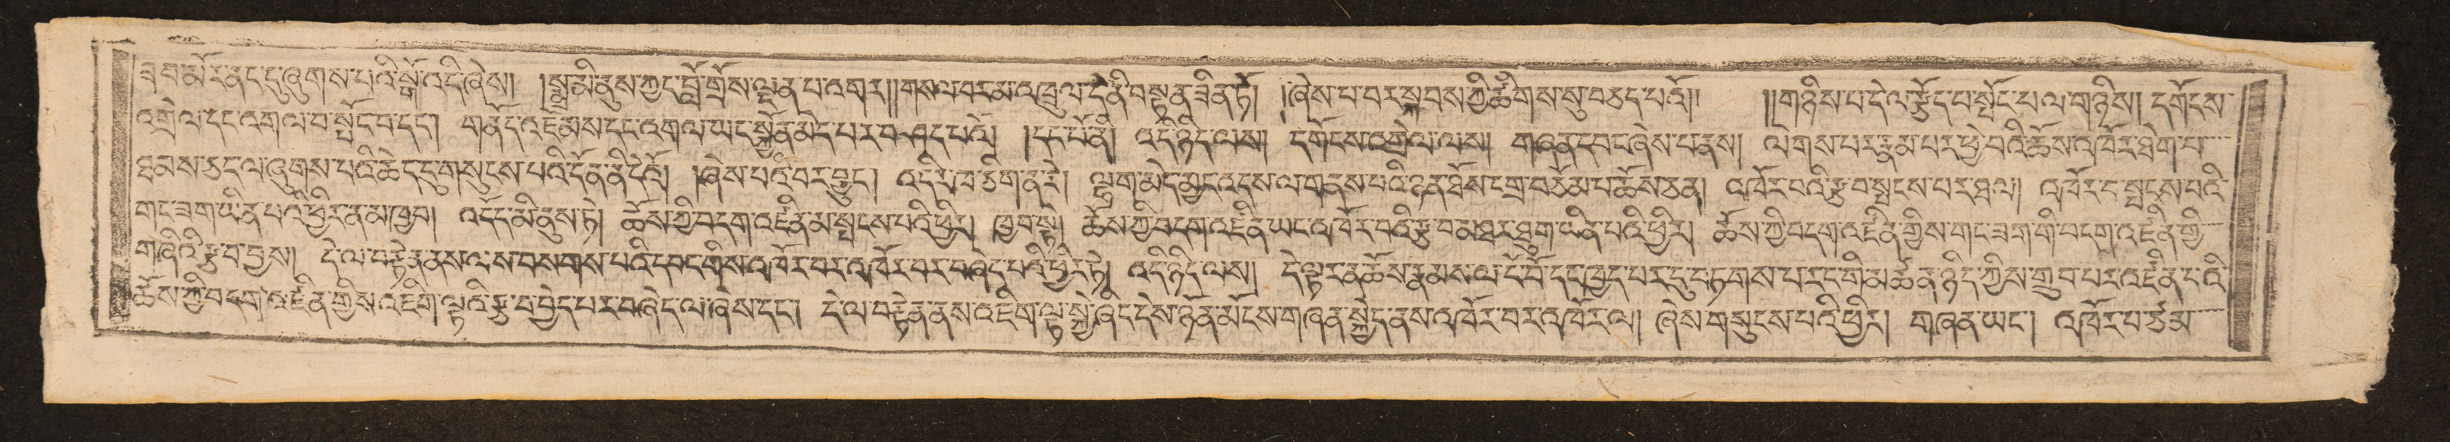ཟབ་མོར་ནང་དུ་ཞུགས་པའི་སྒོ་འདི་ཞེས། །སྨྲ་མི་ནུས་ཀྱང་བློ་གྲོས་ལྡན་པ་འགར། །གསལ་བར་མ་འཁྲུལ་དེ་ནི་བསྟན་ཟིན་ཏོ། །ཞེས་པ་བར་སྐབས་ཀྱི་ཚིགས་སུ་བཅད་པའོ།། །།གཉིས་པ་དེ་ལ་རྩོད་པ་སྤོང་པ་ལ་གཉིས། དགོངས་
འགྲེལ་དང་འགལ་བ་སྤོང་བ་དང་། གནོད་འཇོམས་དང་འགལ་ཡང་སྐྱོན་མེད་པར་བཤད་པའོ། །དང་པོ་ནི། འདི་ཉིད་ལས། དགོངས་འགྲེལ་ལས། གཞན་དབང་ཞེས་པ་ནས། ལེགས་པར་རྣམ་པར་ཕྱེ་བའི་ཆོས་འཁོར་ཐེག་པ་
ཐམས་ཅད་ལ་ཞུགས་པའི་ཆེད་དུ་གསུངས་པའི་དོན་ནི་དེའོ། །ཞེས་པའི་བར་བྱུང་། འདིར་ཁ་ཅིག་ན་རེ། ལྷག་མེད་མྱང་འདས་ལ་གནས་པའི་ཉན་ཐོས་དགྲ་བཅོམ་པ་ཆོས་ཅན། འཁོར་བའི་རྩ་བ་སྤངས་པར་ཐལ། འཁོར་བ་སྤངས་པའི་
གང་ཟག་ཡིན་པའི་ཕྱིར་ན་མ་ཁྱབ། འདོད་མི་ནུས་ཏེ། ཆོས་ཀྱི་བདག་འཛིན་མ་སྤངས་པའི་ཕྱིར། ཁྱབ་སྟེ། ཆོས་ཀྱི་བདག་འཛིན་ཡང་འཁོར་བའི་རྩ་བ་མཐར་ཐུག་ཡིན་པའི་ཕྱིར། ཆོས་ཀྱི་བདག་འཛིན་གྱིས་གང་ཟག་གི་བདག་འཛིན་གྱི་
གཞིའི་རྩ་བ་བྱས། དེ་ལ་བརྟེན་ནས་ལས་བསགས་པའི་དབང་གིས་འཁོར་བར་འཁོར་བར་བཞེད་པའི་ཕྱིར་ཏེ། འདི་ཉིད་ལས། དེ་ལྟར་ན་ཆོས་རྣམས་ལ་ངོ་བོ་དང་ཁྱད་པར་དུ་བཏགས་པ་རང་གི་མཚན་ཉིད་ཀྱིས་གྲུབ་པར་འཛིན་པའི་
ཆོས་ཀྱི་བདག་འཛིན་གྱིས་འཇིག་ལྟའི་རྩ་བ་བྱེད་པར་བཞེད་ལ་ཞེས་དང་། དེ་ལ་བརྟེན་ནས་འཇིག་ལྟ་སྐྱེ་ཞིང་དེས་ཉོན་མོངས་གཞན་སྐྱེད་ནས་འཁོར་བར་འཁོར་ལ། ཞེས་གསུངས་པའི་ཕྱིར། གཞན་ཡང་། འཁོར་བ་ཙམ་